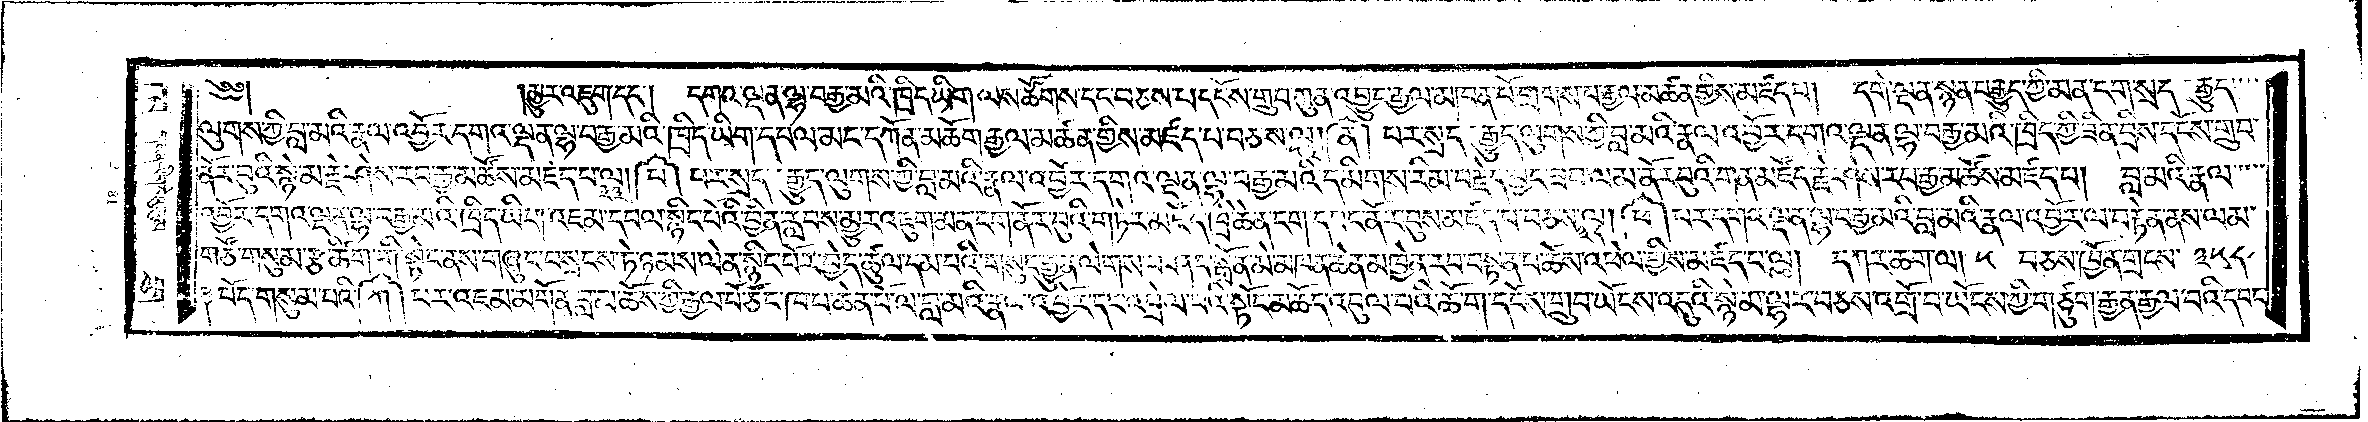༄༅། །མྱུར་འཇུག་དང་། དགའ་ལྡན་ལྷ་བརྒྱ་མའི་ཁྲིད་ཡིག་ལས་ཚོགས་དང་བཅས་པ་དངོས་གྲུབ་ཀུན་འབྱུང་རྒྱལ་མཁན་པོ་གྲགས་པ་རྒྱལ་མཚན་གྱིས་མཛད་པ། དགེ་ལྡན་སྙན་བརྒྱུད་ཀྱི་མན་ངག་སྲད་འྲྒྱུད་
ལུགས་ཀྱི་བླ་མའི་རྣལ་འབྱོར་དགའ་ལྡན་ལྷ་བརྒྱ་མའི་ཁྲིད་ཡིག་དཔལ་མང་དཀོན་མཆོག་རྒྱལ་མཚན་གྱིས་མཛད་པ་བཅས་ལ། ༼ན༽ པར་སྲད་བརྒྱུད་ལུགས་ཀྱི་བླ་མའི་རྣལ་འབྱོར་དགའ་ལྡན་ལྷ་བརྒྱ་མའི་ཁྲིད་ཀྱི་ཟིན་བྲིས་དངོས་གྲུབ་
ནོར་བུའི་སྙེ་མ་རྗེ་ཤེས་རབ་རྒྱ་མཚོས་མཛད་པ་ལ། ༼པ༽ པར་སྲད་རྒྱུད་ལུགས་ཀྱི་བླ་མའི་རྣལ་འབྱོར་དགའ་ལྡན་ལྷ་བརྒྱ་མའི་དམིགས་རིམ་བརྗེད་བྱང་ཟབ་ལམ་ནོར་བུའི་གན་མཛོད་རྗེ་ཤེས་རབ་རྒྱ་མཚོས་མཛད་པ། བླ་མའི་རྣལ་
འབྱོར་དགའ་ལྡན་ལྷ་བརྒྱ་མའི་ཁྲིད་ཡིག་འཇམ་དཔལ་སྙིང་པོའི་བྱིན་རླབས་མྱུར་འཇུག་མན་ངག་ནོར་བུའི་གཏེར་མཛོད་ཁྲི་ཆེན་ངག་དབང་ནོར་བུས་མཛད་པ་བཅས་ལ། ༼ཕ༽ པར་དགའ་ལྡན་ལྷ་བརྒྱ་མའི་བླ་མའི་རྣལ་འབྱོར་ལ་བརྟེན་ནས་ལམ་
གཙོ་གསུམ་རྩ་ཚིག་གི་སྟེང་ནས་གཞུང་བསྲངས་ཏེ་ཉམས་ལེན་སྙིང་པོར་བྱེད་ཚུལ་དམ་པའི་གསུང་རྒྱུན་ལེགས་བཤད་སྒྲོན་མེ་མཁན་ཆེན་མཁྱེན་རབ་བསྟན་པ་ཆོས་འཕེལ་གྱིས་མཛད་པ་ལ། དཀར་ཆག་ལ། ༥་བཅས་ཁྱོན་གྲངས ༣༥༨
༈ པོད་གསུམ་པའི ༼ཀ༽ པར་འཇམ་མགོན་བླ་མ་ཆོས་ཀྱི་རྒྱལ་པོ་ཙོང་ཁ་པ་ཆེན་པོ་ལ་བླ་མའི་རྣལ་འབྱོར་དང་འབྲེལ་བའི་སྟོང་མཆོད་འདུལ་བའི་ཆོ་ག་དངོས་གྲུབ་ཡོངས་འདུའི་སྙེ་མ་ལྷར་བཅས་འགྲོ་བ་ཡོངས་ཀྱི་གཙུག་རྒྱན་རྒྱལ་བའི་དབང་